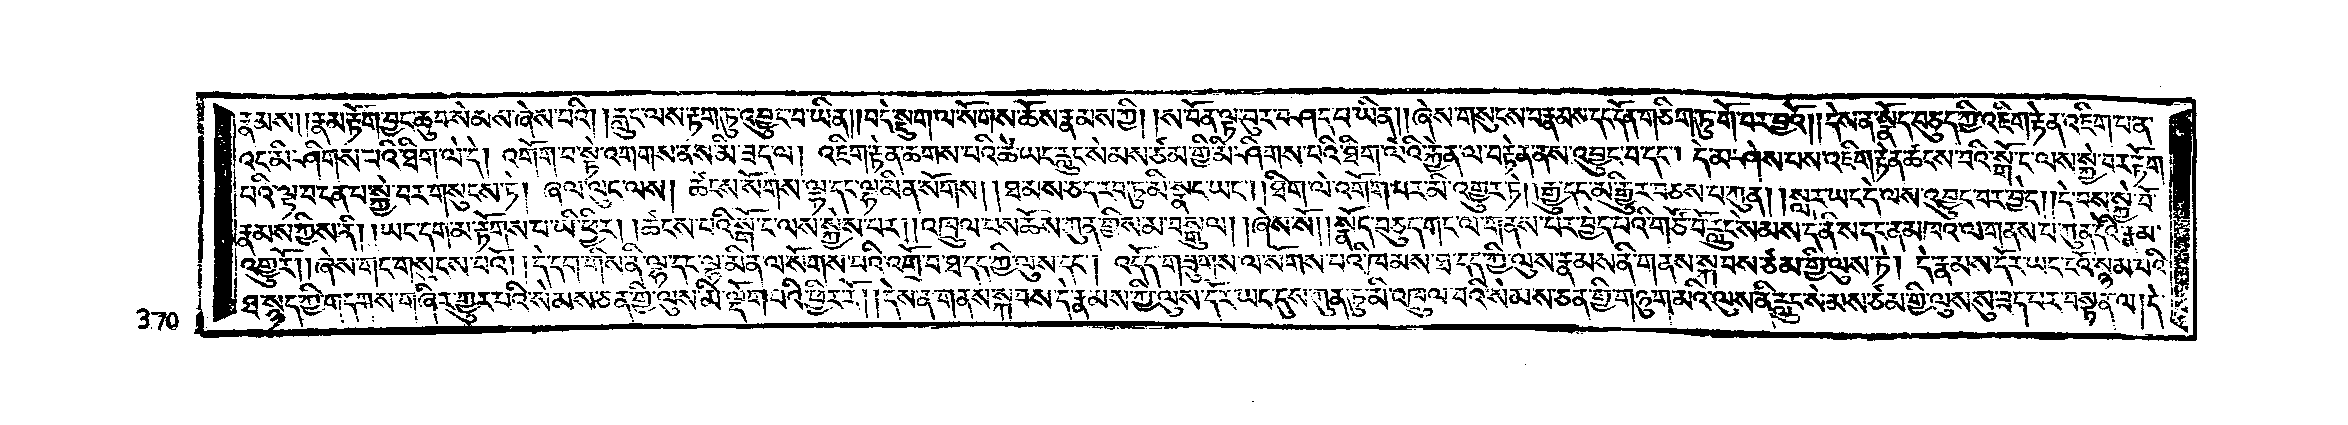རྣམས། །རྣམ་རྟོག་བྱང་ཆུབ་སེམས་ཞེས་པའི། །རླུང་ལས་རྟག་ཏུ་འབྱུང་བ་ཡིན། །བདེ་སྡུག་ལ་སོགས་ཆོས་རྣམས་ཀྱི། །ས་བོན་ལྟ་བུར་བཤད་པ་ཡིན། །ཞེས་གསུངས་པ་རྣམས་དང་དོན་གཅིག་ཏུ་གོ་བར་བྱའོ། །དེས་ན་སྣོད་བཅུད་ཀྱི་འཇིག་རྟེན་འཇིག་པ་ན་
འང་མི་ཤིགས་པའི་ཐིག་ལེ་དེ། འགོག་པ་སྟེ་འགགས་ནས་མི་ཟད་ལ། འཇིག་རྟེན་ཆགས་པའི་ཚེ་ཡང་རླུང་སེམས་ཙམ་གྱི་མི་ཤིགས་པའི་ཐིག་ལེའི་རྐྱེན་ལ་བརྟེན་ནས་འབྱུང་བ་དང་། དེ་མ་ཤེས་པས་འཇིག་རྟེན་ཚངས་པའི་སྒོ་ང་ལས་སྐྱེ་བར་རྟོག་
པའི་ལྟ་བ་ངན་པ་སྐྱེ་བར་གསུངས་ཏེ། ཞལ་ལུང་ལས། ཚངས་སོགས་ལྷ་དང་ལྷ་མིན་སོགས། །ཐམས་ཅད་རབ་ཏུ་མི་སྣང་ཡང་། །ཐིག་ལེ་འགོག་པར་མི་འགྱུར་ཏེ། །རྒྱུ་དང་མི་རྒྱུར་བཅས་པ་ཀུན། །སླར་ཡང་དེ་ལས་འབྱུང་བར་བྱེད། །དེ་བས་སྐྱེ་བོ་
རྣམས་ཀྱིས་ནི། །ཡང་དག་མ་རྟོགས་པ་ཡི་ཕྱིར། །ཚངས་པའི་སྒོ་ང་ལས་སྐྱེས་པར། །འཁྲུལ་པས་ཆོས་ཀུན་གྱིས་མ་བསྒུལ། །ཞེས་སོ། །སྣོད་བཅུད་གང་ལ་གནས་པར་བྱེད་པའི་གཙོ་བོ་རླུང་སེམས་དེ་ནི་ས་དང་ནམ་མཁའ་ལ་གནས་པ་ཀུན་དེའི་རྣམ་
འགྱུར་རོ། །ཞེས་གང་གསུངས་པའོ། །དེ་དག་གིས་ནི་ལྷ་དང་ལྷ་མིན་ལ་སོགས་པའི་འགྲོ་བ་ཐ་དད་ཀྱི་ལུས་དང་། འདོད་གཟུགས་ལ་སོགས་པའི་ཁམས་ཐ་དད་ཀྱི་ལུས་རྣམས་ནི་གནས་སྐབས་ཙམ་གྱི་ལུས་ཏེ། དེ་རྣམས་དོར་ཡང་ངའོ་སྙམ་པའི་
ཐ་སྙད་ཀྱི་གདགས་གཞིར་གྱུར་པའི་སེམས་ཅན་གྱི་ལུས་མི་ལྡོག་པའི་ཕྱིར་རོ། །དེས་ན་གནས་སྐབས་དེ་རྣམས་ཀྱི་ལུས་དོར་ཡང་དུས་ཀུན་ཏུ་མི་འཁྲུལ་བའི་སེམས་ཅན་གྱི་གཉུག་མའི་ལུས་ནི་རླུང་སེམས་ཙམ་གྱི་ལུས་སུ་ཟད་པར་བསྟན་ལ། དེ་